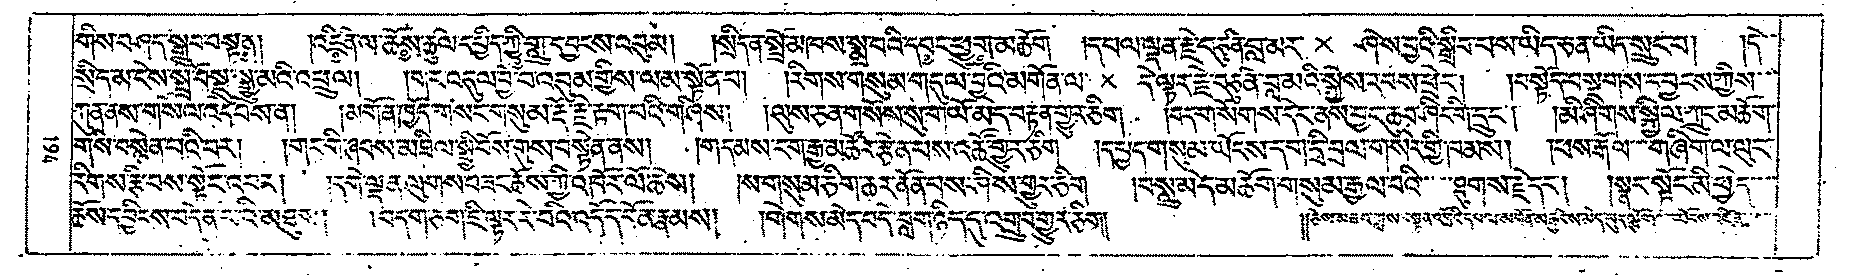གིས་བཤད་སྒྲུབ་བསྟན྾། །འཛིན྾་ལ་ཆོས྾་ཚུལ་དཔྱིད་ཀྱི྾་གླུ་དབྱངས་འབུམ། །སྲིད་ན་སྤྲོ་མཁས་སྨྲ་བའི་དབང྾་ཕྱུག྾་མཆོག །དཔལ་ལྡན་རྗེ་བཙུན་བླ་མར་྾་ཤེས་བྱའི་སྒྲིབ་པས་ཡིད་ཅན་ཡིད་སྲུང་བ། །དེ་
སྲིད་མ་ངེས་སྤྲོ་བསྡུ་སྒྱུ་མའི་འཕྲུལ། །གང་འདུལ་བྱེ་བ་འབུམ་གྱིས་ལམ་སྟོན་པ། །རིགས་གསུམ་གདུལ་བྱའི་མགོན་ལ་྾་དེ་ལྟར་རྗེ་བཙུན་བླ་མའི་སྐྱེས་རབས་ཕྲེང་། །བསྟོད་བསྔགས་དབྱངས་ཀྱིས་
ཀུན་ནས་གསོལ་འདེབས་ན། །མགོན་ཁྱོད་གསང་གསུམ་རྡོ་རྗེ་རྟག་པའི་གཤིས། །ལུས་ཅན་གསོས་སུ་གཡོ་མེད་བརྟན་གྱུར་ཅིག །བདག་སོགས་དེང་ནས་བྱང་ཆུབ་ཤིང་གི་དྲུང་། །མི་ཤིགས་སྐྱིལ་ཀྲུང་མཆོག་
གིས་བསྙེན་པའི་བར། །གང་གི་ཞབས་མཐིལ་སྤྱི་བོས་གུས་བསྟེན་ནས། །གདམས་ངག་རྒྱ་མཚོར་རྩེན་པས་འཚོ་གྱུར་ཅིག །དཔྱད་གསུམ་ཡོངས་དག་དྲི་བྲལ་གསེར་གྱི་ཁམས། །ཕས་རྒོལ་གཞིག་ལ་ལུང་
རིགས་རྩིབས་སྟོང་འབར། །དགེ་ལྡན་ལུགས་བཟང་ཆོས་ཀྱི་འཁོར་ལོ་ཆེས། །ས་གསུམ་ཅིག་ཆར་ནོན་པས་ཤིས་གྱུར་ཅིག །བསླུ་མེད་མཆོག་གསུམ་རྒྱལ་བའི་ཐུགས་རྗེ་དང་། །སྣང་སྟོང་མི་ཕྱེད་
ཆོས་དབྱིངས་བདེན་པའི་མཐུས། །བདག་ཅག་ཇི་ལྟར་རེ་བའི་འདོད་དོན་རྣམས། །གེགས་མེད་བདེ་བླག་ཉིད་དུ་འགྲུབ་གྱུར་ཅིག ། །།ཅེས་མཐའ་ཀླས་བསྟན་འགྲོའི་དཔལ་མགོན་མཚུངས་མེད་ཕུར་ལྕོག་ཡོངས་འཛིན་